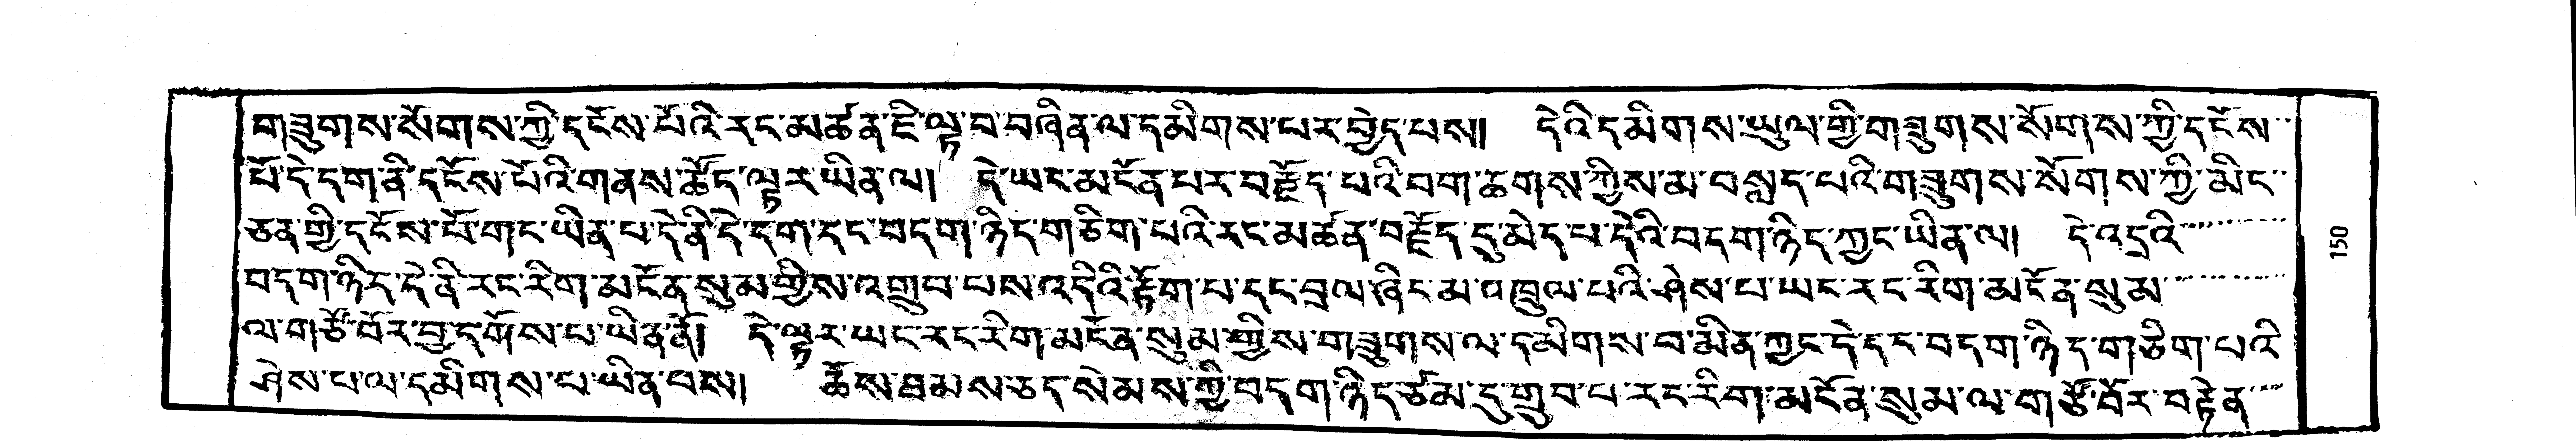གཟུགས་སོགས་ཀྱི་དངོས་པོའི་རང་མཚན་ཇི་ལྟ་བ་བཞིན་ལ་དམིགས་པར་བྱེད་པས། དེའི་དམིགས་ཡུལ་གྱི་གཟུགས་སོགས་ཀྱི་དངོས་
པོ་དེ་དག་ནི་དངོས་པོའི་གནས་ཚོད་ལྟར་ཡིན་ལ། དེ་ཡང་མངོན་པར་བརྗོད་པའི་བག་ཆགས་ཀྱིས་མ་བསླད་པའི་གཟུགས་སོགས་ཀྱི་མིང་
ཅན་གྱི་དངོས་པོ་གང་ཡིན་པ་དེ་ནི་དེ་དག་དང་བདག་ཉིད་གཅིག་པའི་རང་མཚན་བརྗོད་དུ་མེད་པ་དེའི་བདག་ཉིད་ཀྱང་ཡིན་ལ། དེ་འདྲའི་
བདག་ཉིད་དེ་ནི་རང་རིག་མངོན་སུམ་གྱིས་འགྲུབ་པས་འདིའི་རྟོག་པ་དང་བྲལ་ཞིང་མ་འཁྲུལ་པའི་ཤེས་པ་ཡང་རང་རིག་མངོན་སུམ་
ལ་གཙོ་བོར་བྱ་དགོས་པ་ཡིན་ནོ། དེ་ལྟར་ཡང་རང་རིག་མངོན་སུམ་གྱིས་གཟུགས་ལ་དམིགས་པ་མིན་ཀྱང་དེ་དང་བདག་ཉིད་གཅིག་པའི་
ཤེས་པ་ལ་དམིགས་པ་ཡིན་པས། ཆོས་ཐམས་ཅད་སེམས་ཀྱི་བདག་ཉིད་ཙམ་དུ་གྲུབ་པ་རང་རིག་མངོན་སུམ་ལ་གཙོ་བོར་བརྟེན་